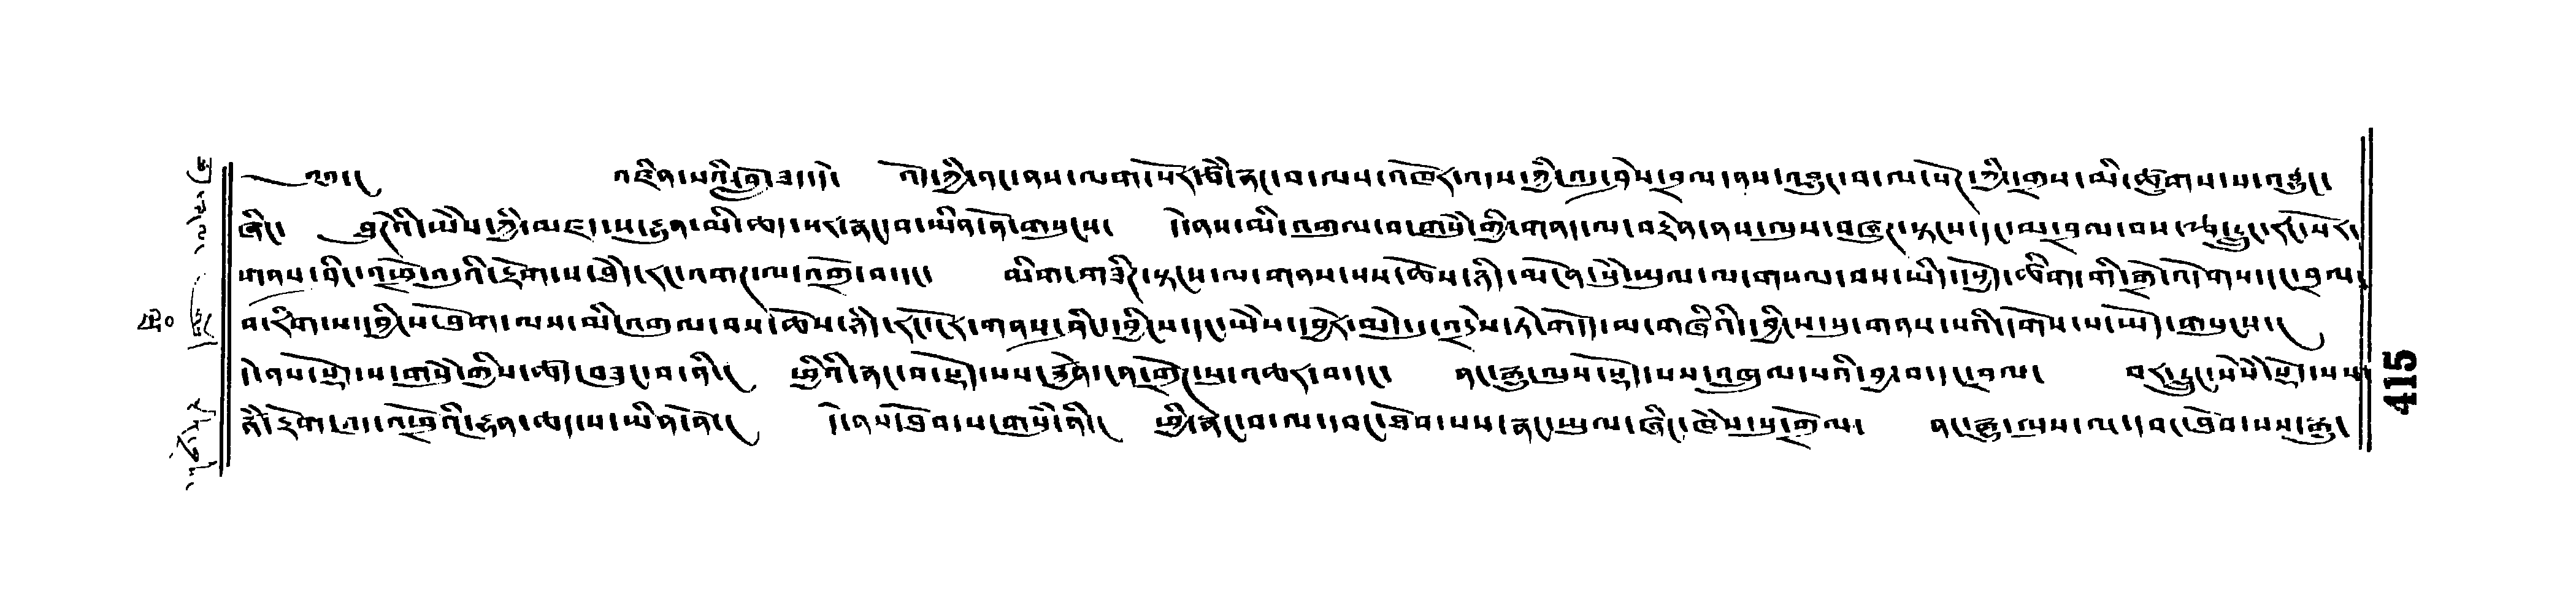འཛིན་པའི་བློ་ཟད་དེ། འོད་ཀྱི་ནང་ནས་ལག་སོར་ཙམ་སྣང་བ་ལས་འཁོར་འདས་ཀྱི་འདུ་ཤེས་བྲལ་ནས་འབྱུང་བ་སོགས་ཀྱི་དགྲས་མི་ཚུགས་པ་འབྱུང་
ཞིང་། ཐུགས་རྗེའི་ཡེ་ཤེས་ཀྱི་མཛད་པ་རྒྱུན་མི་ཆད་པར་སྣང་བ་ཡིན་ནོ་གསུངས། དེ་ནས་མི་འགུལ་བ་གསུམ་གྱི་གནད་ལ་བརྟེན་ནས་ལུས་བཞུགས་སྟངས་དང་མ་བྲལ་བས་རྩ་རླུང་རང་སོར་
གནས་ཤིང་འཕྲོ་འདུའི་རྟོག་པ་ཐམས་ཅད་རང་འགགས་ལ་འགྲོ་བ་དང་། མིག་གཟིགས་སྟངས་ལ་གནས་པས་ཆོས་ཉིད་མངོན་སུམ་ཡུལ་ལ་གསལ་བས་ཡིད་དཔྱོད་ཚིག་གི་སྒྲོ་འདོགས་དང་བྲལ་
བ་རིག་པ་དབྱིངས་ཐོག་ལས་མི་འགུལ་བས་ཆོས་ཉིད་རང་ངོར་གནས་ཤིང་དབྱིངས་དང་ཡེ་ཤེས་དབྱེར་མེད་དུ་འདྲེས་ཏེ་གདོད་མ་གཞིའི་དབྱིངས་སུ་གནས་པའི་དགོས་པ་ཡོད་གསུངས། 
དེ་ནས་སྡོད་པ་གསུམ་གྱིས་ཚད་བཟུང་བ་ནི། ཕྱིའི་སྣང་བ་སྡོད་པས་རྐྱེན་ངན་གྲོགས་སུ་འཆར་བ་དང་། ནང་སྒྱུ་ལུས་སྡོད་པས་འཁྲུལ་པའི་བྱ་བ་དང་བྲལ། བར་རླུང་སེམས་སྡོད་པས་
རྣམ་རྟོག་འདུ་འཕྲོའི་རྒྱུན་ཆད་པ་ཡིན་ནོ། དེ་ནས་ཐོབ་པ་གསུམ་ནི། ཕྱི་སྣང་བ་ལ་དབང་ཐོབ་པས་སྣང་ཡུལ་ཞིང་ཁམས་སུ་གྲོལ། ནང་སྒྱུ་ལུས་ལ་དབང་ཐོབ་པས་སྒྱུ་